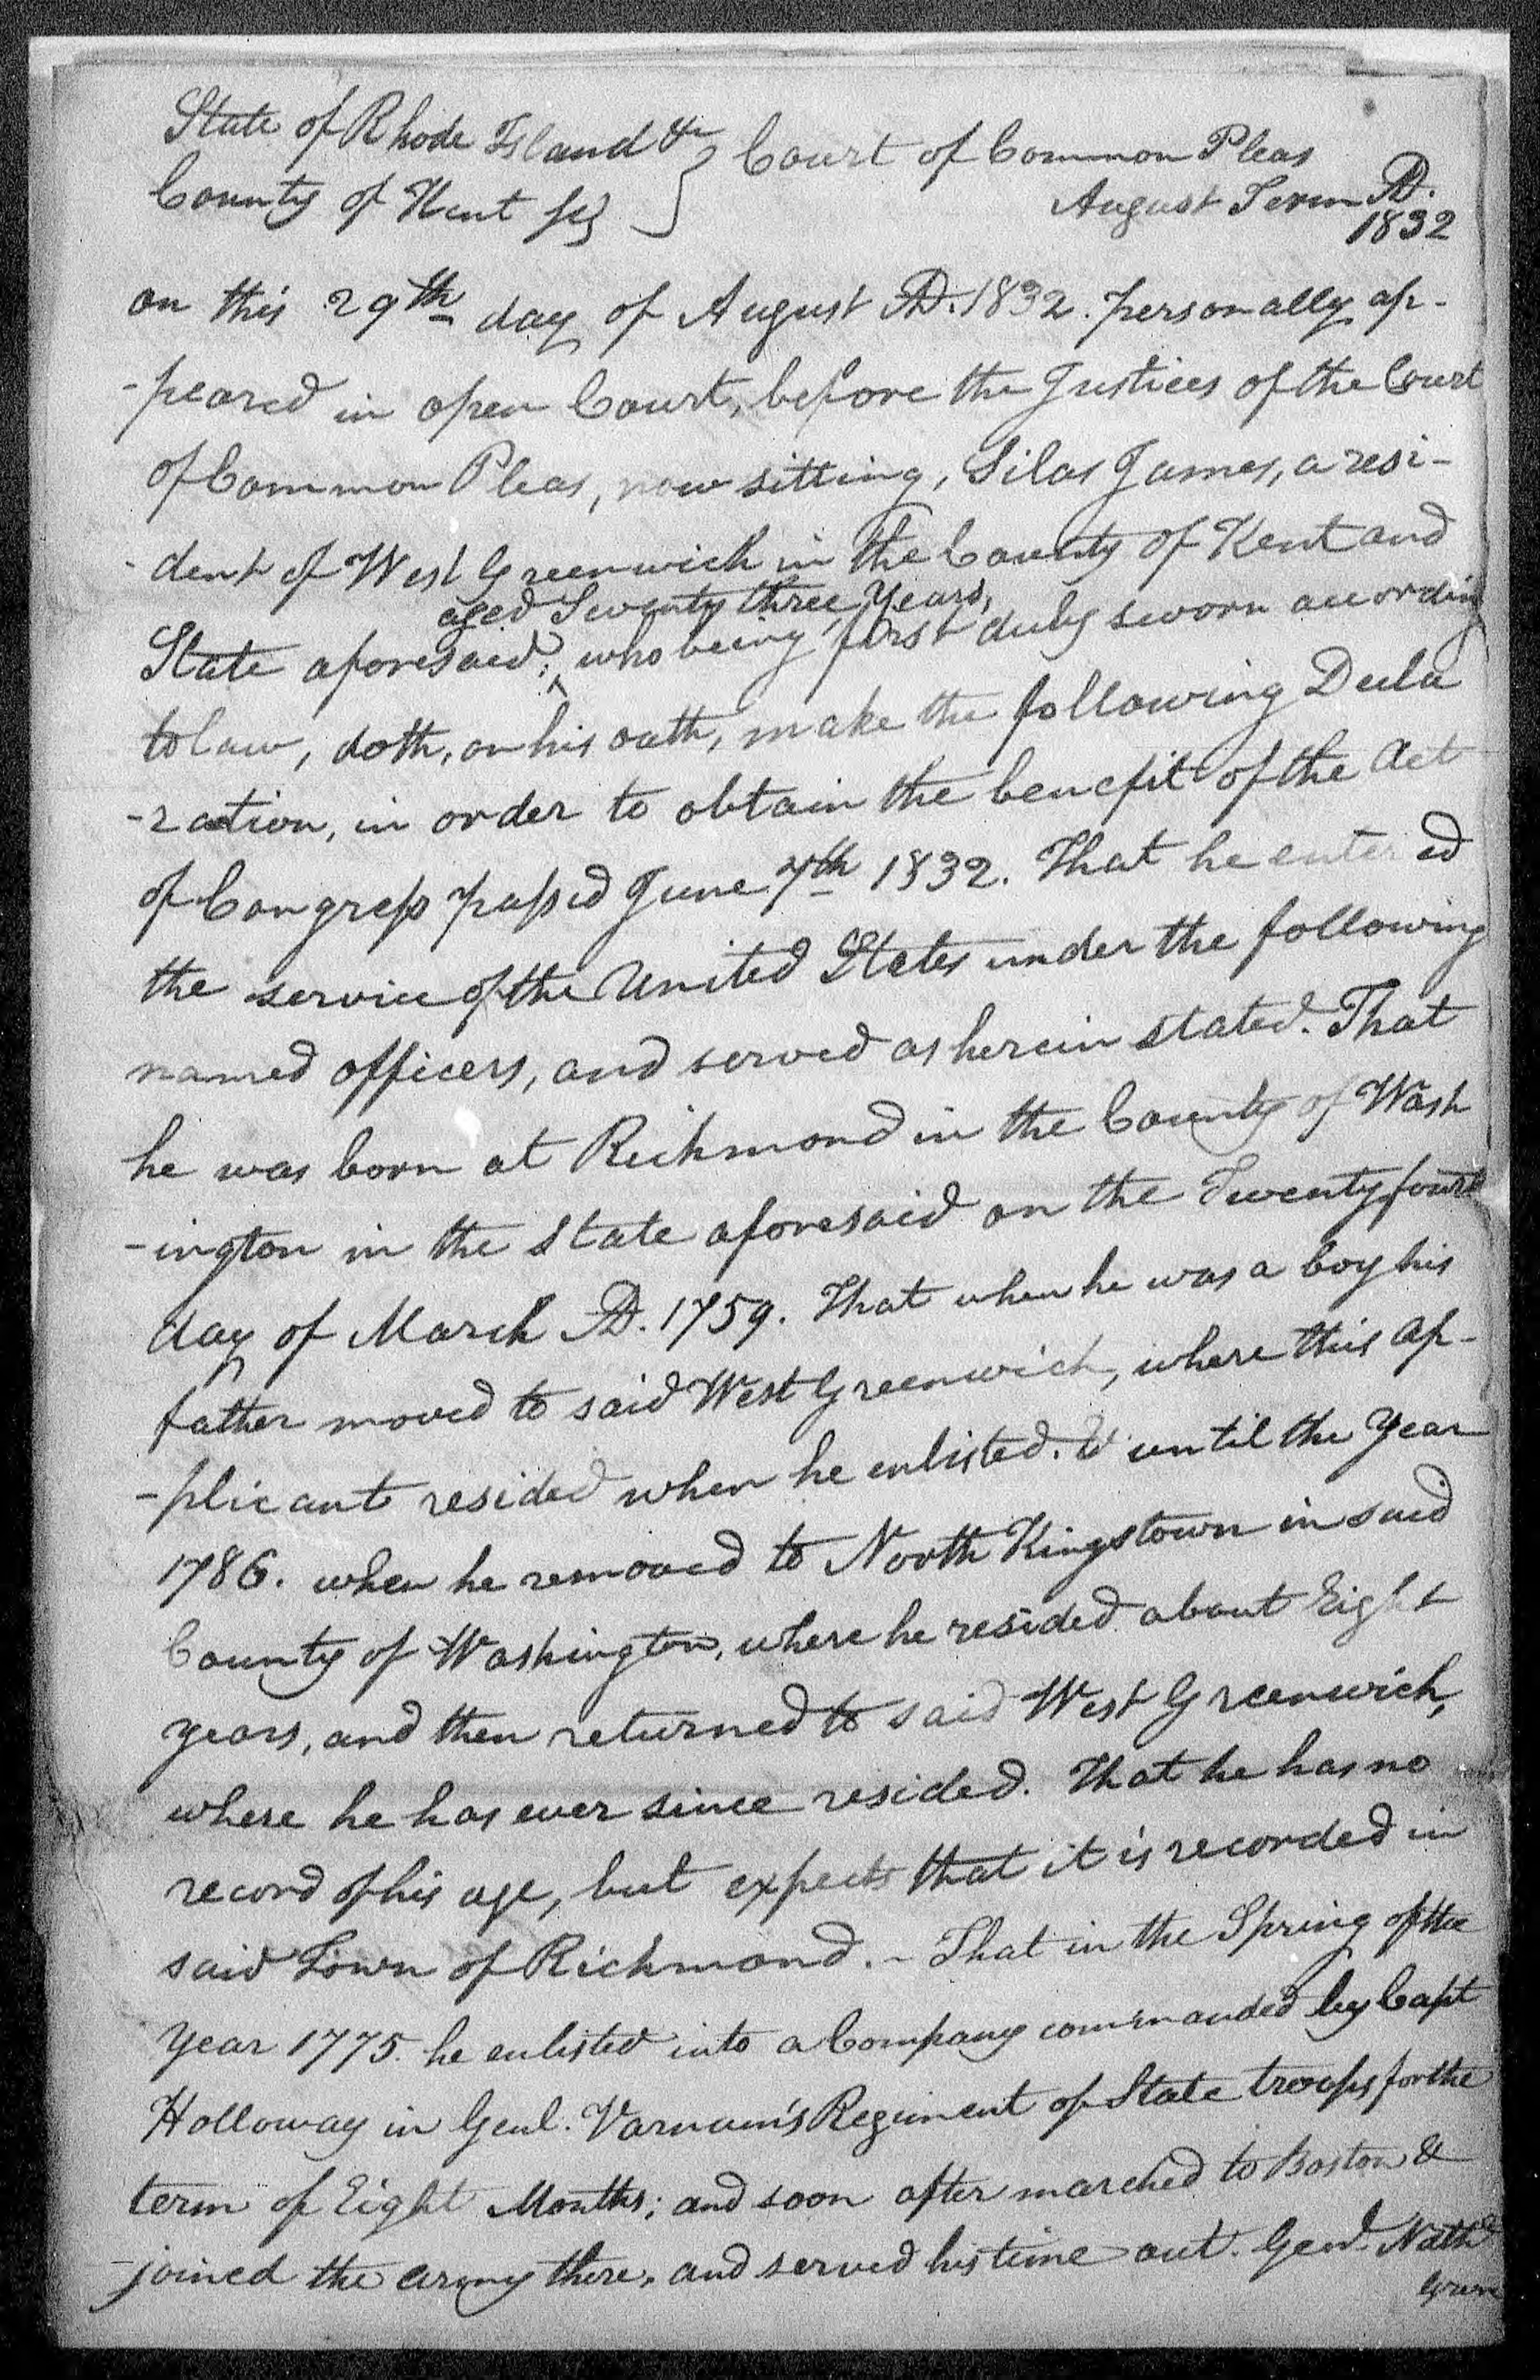State of Rhode Island &c
County of Kent Sc } Court of Common Pleas
August Term AD. 1832

on this 29th day of August AD. 1832, personally appeared in open Court, before the Justices of the Court of Common Pleas, now sitting, Silas James, a resident of West Greenwich in the County of Kent and State aforesaid, aged Seventy three years, who being first duly sworn according to law, doth, on his oath, make the following Declaration, in order to obtain the benefit of the Act of Congress passed June 7th 1832.  That he entered the service of the united States under the following named officers, and served as herein stated. That he was born at Richmond in the County of Washington in the State aforesaid on the twenty fourth day of March AD. 1759. That when he was a boy his father moved to said West Greenwich, where this applicant resided when he enlisted, & until the year 1786, when he removed to North Kingstown in said County of Washington, where he resided about eight years, and then returned to said West Greenwich, where he has ever since resided. That he has no record of his age, but expects that it is recorded in said Town of Richmond - That in the Spring of the year 1775 he enlisted into a Company commanded by Cap Holloway in Genl. Varnum's Regiment of State troops for the term of Eight months; and soon after marched to Boston & joined the army there, and served his time out. Genl. Nathl Greene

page: 9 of 41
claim: widow's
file: W. 24728, for Silas James, Rhode Island